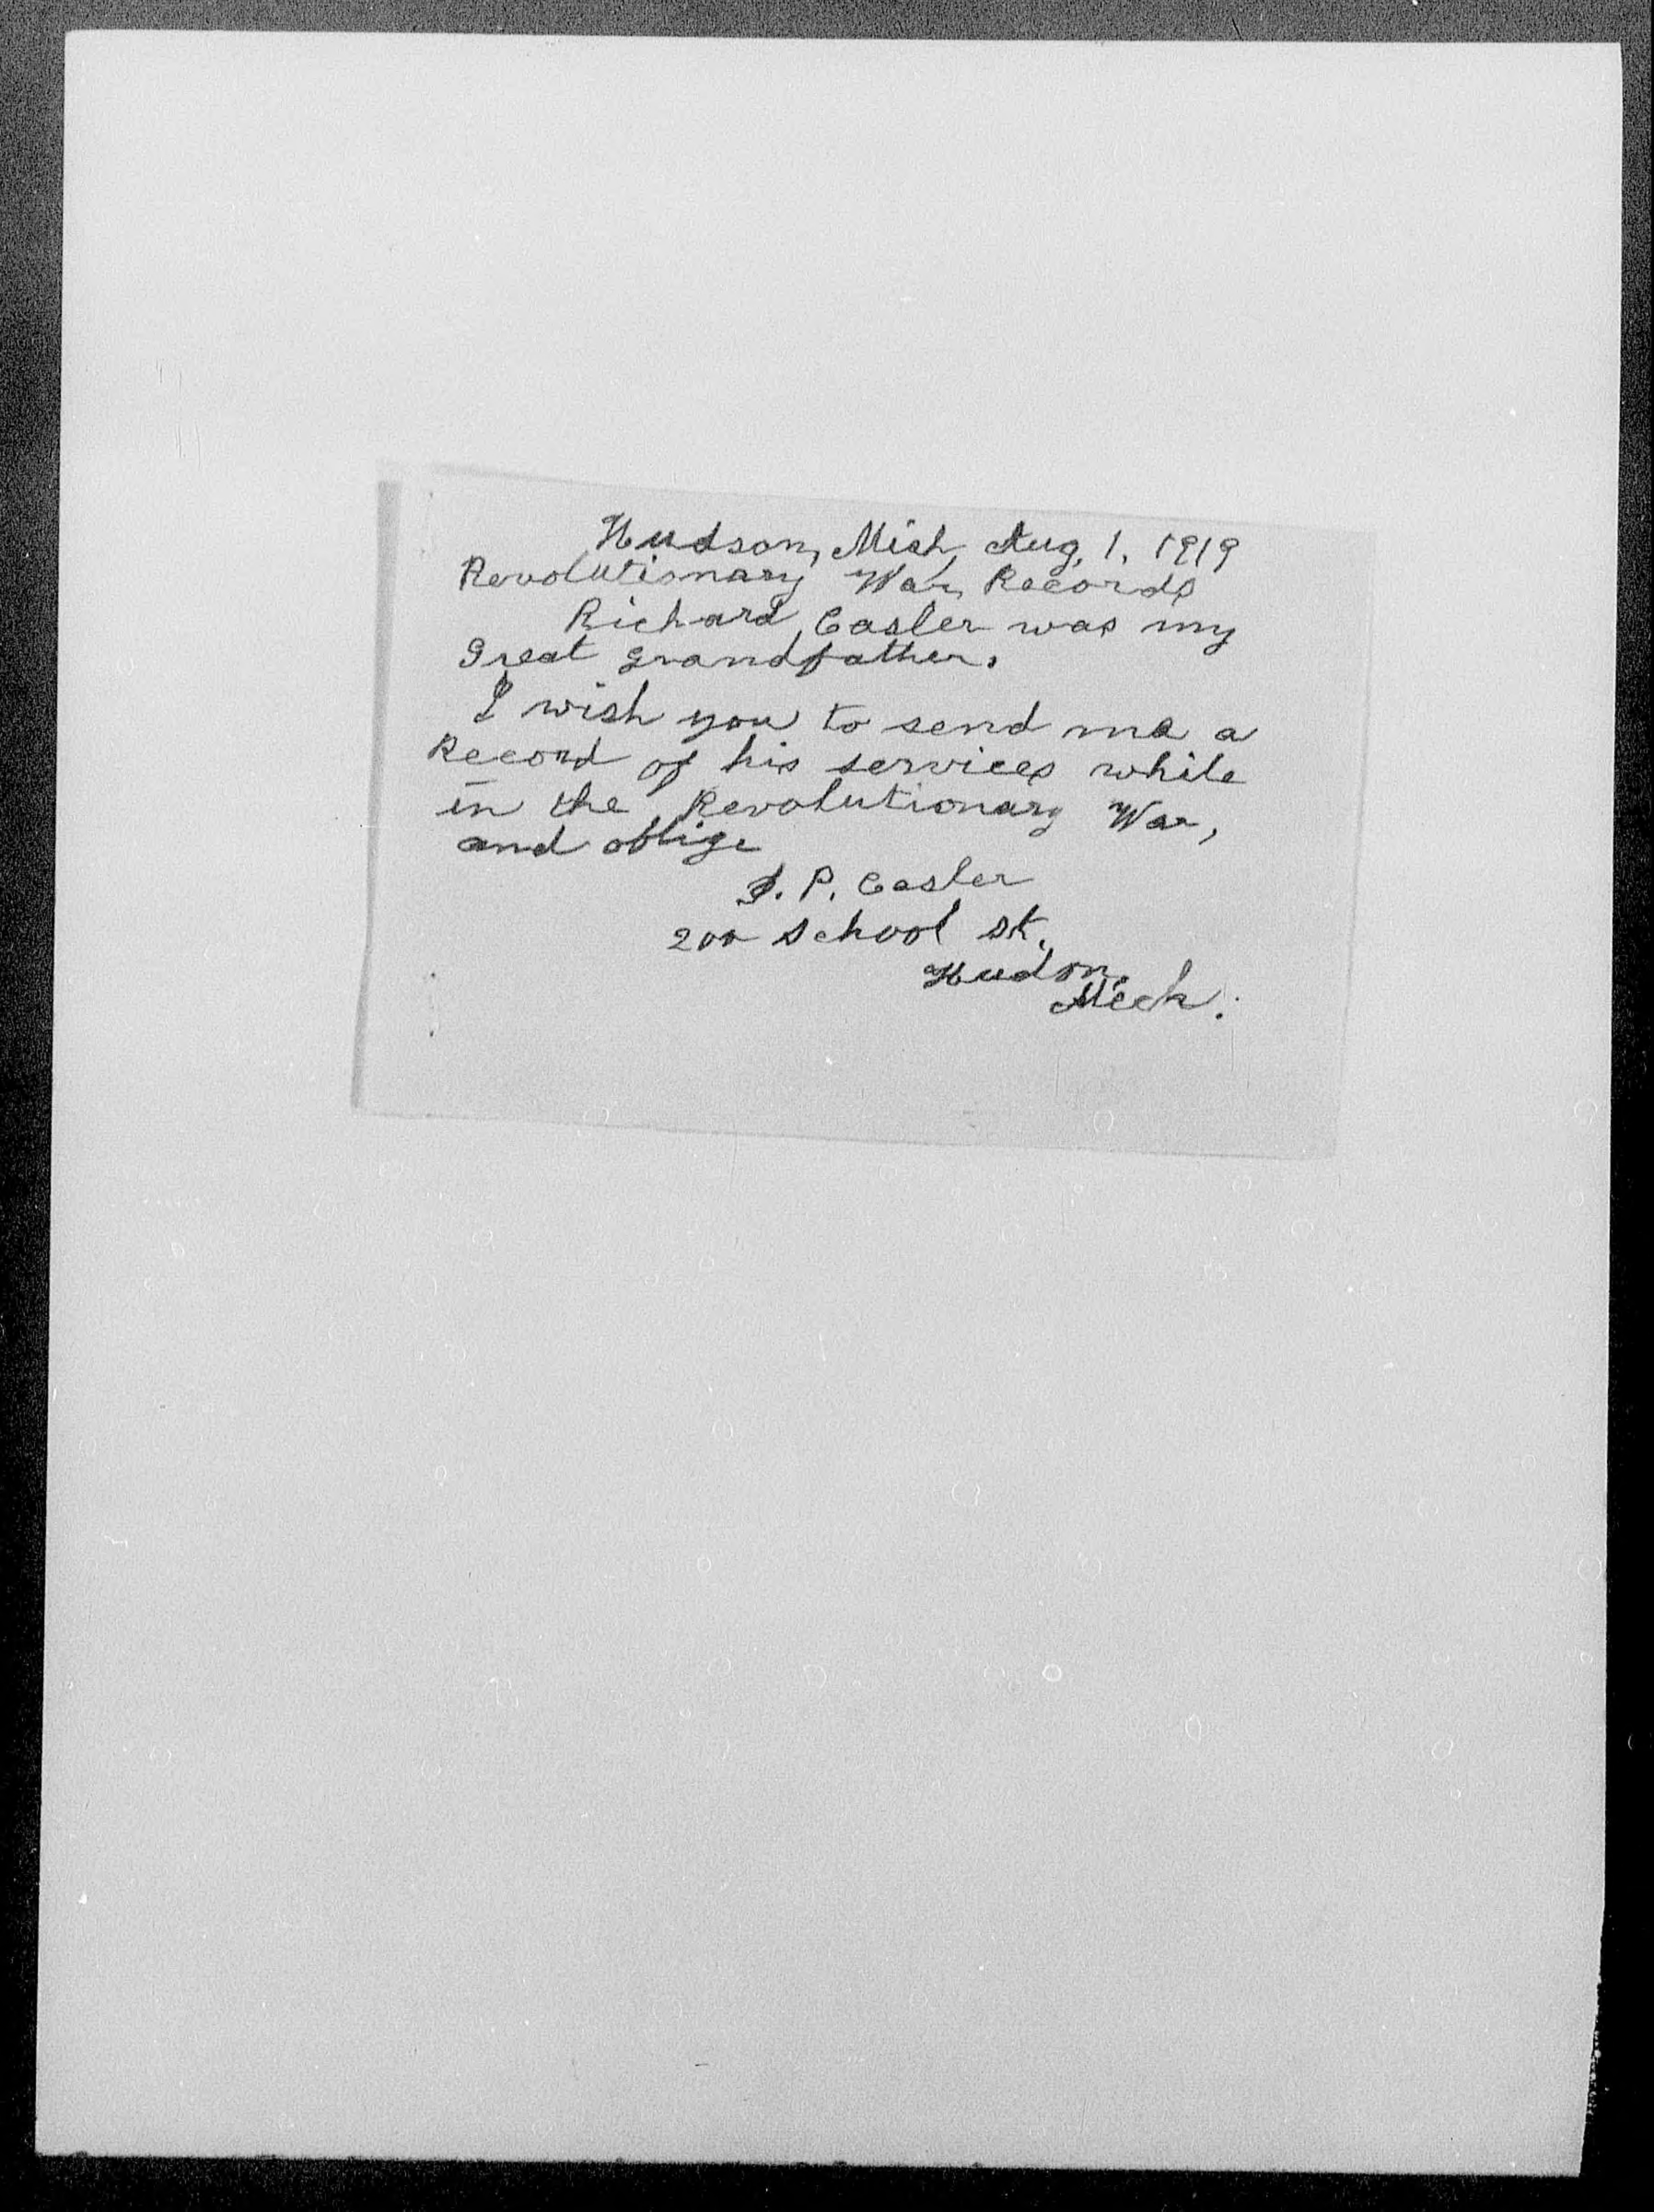Hudson Mich, Aug 1, 1919 
Revolutionary War Records 
Richard, Casler was my Great grandfather, 
I wish you to send me a Record of his services while in the Revolutionary War, and oblige 
J. P. Casler 
200 School St.
Hudson,
Mich.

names: Richard Casler, J P Casler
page: 63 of 66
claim: widow's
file: W. 6637, Richard Caslar, New York